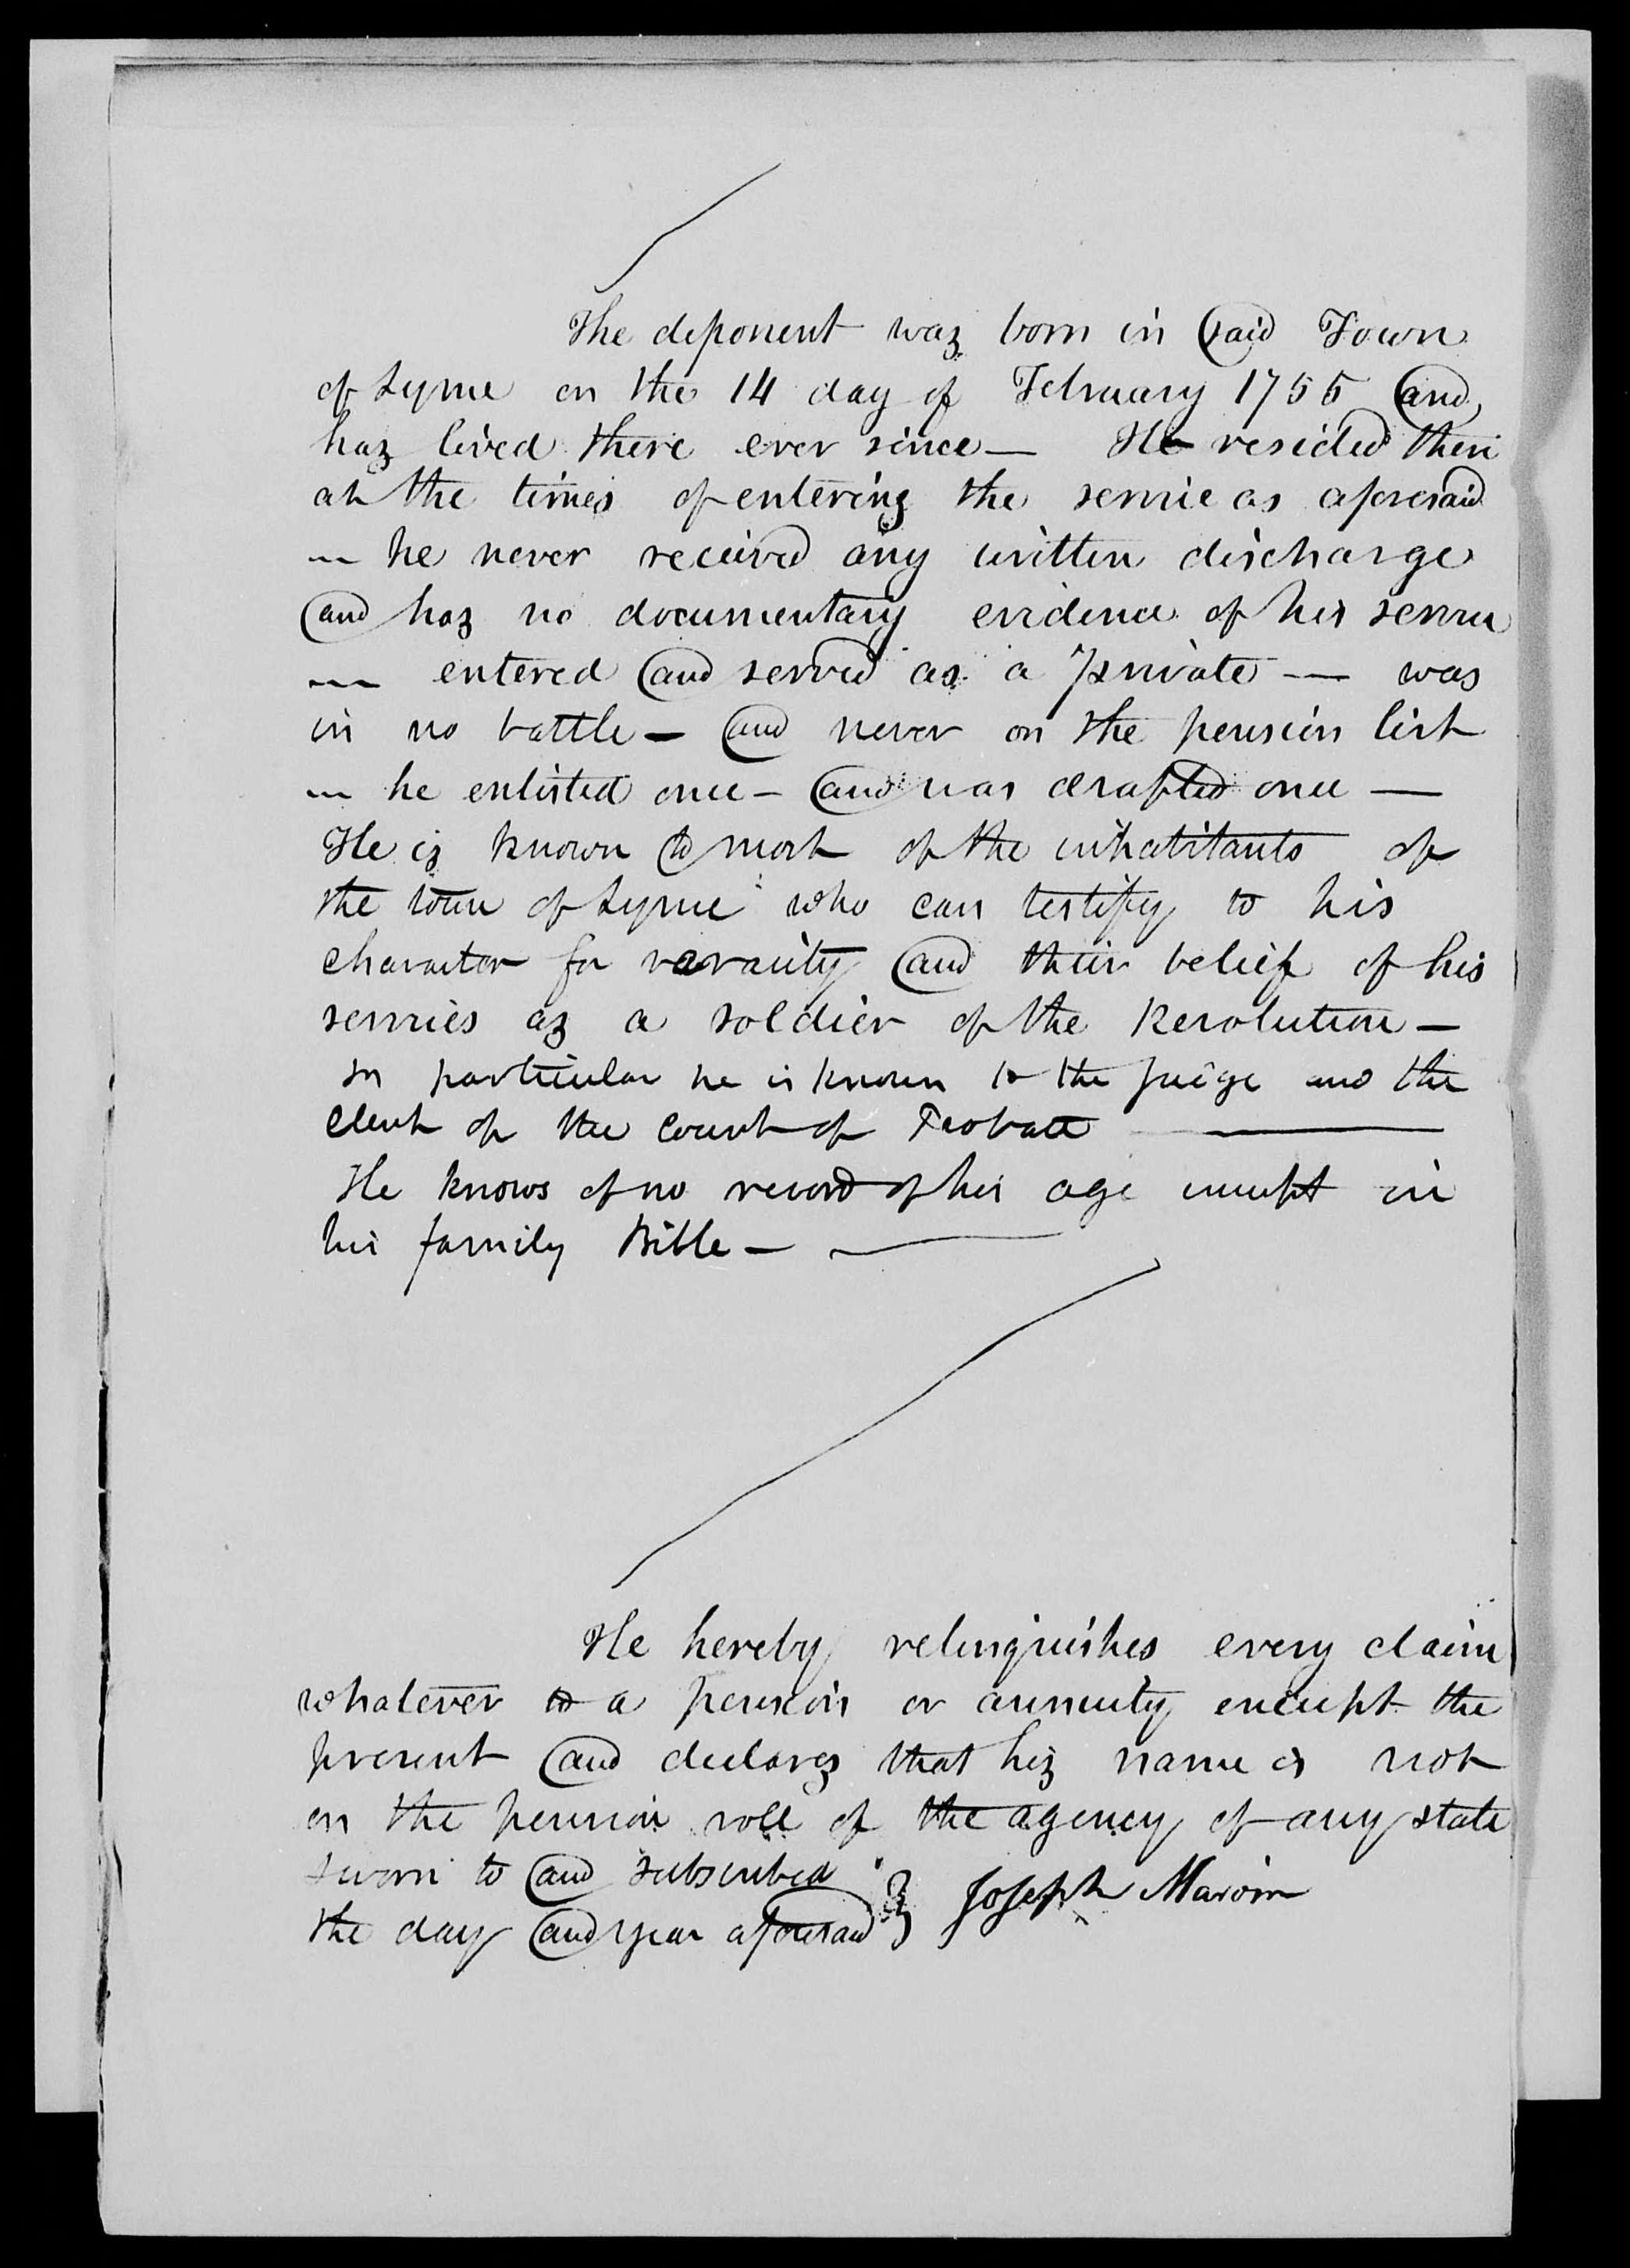The deponent was born in said Town of Lyme on the 14 day of February 1755 and has lived there ever since.  He resided there at the times of entering the service as aforesaid. He never received any written discharge and has no documentary evidence of his service.  Entered and served as a private, was in no battle and never on the pension list.  He enlisted once and was drafted once.  He is known to most of the inhabitants of the town of Lyme who can testify to his character for veracity and their belief of his services as a soldier of the Revolution. In particular he is known to the judge and the clerk of the Court of Probate.  He knows of no record of his age except in his family bible.  
He hereby relinquishes every claim whatever to a pension or annuity except the present and declares that his name is not on the pension roll of the agency of any state. 
Sworn to and subscribed the day and year aforesaid 
Joseph Marvin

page: 15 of 20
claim: survivor's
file: S. 15,516, for Joseph Marvin, Connecticut